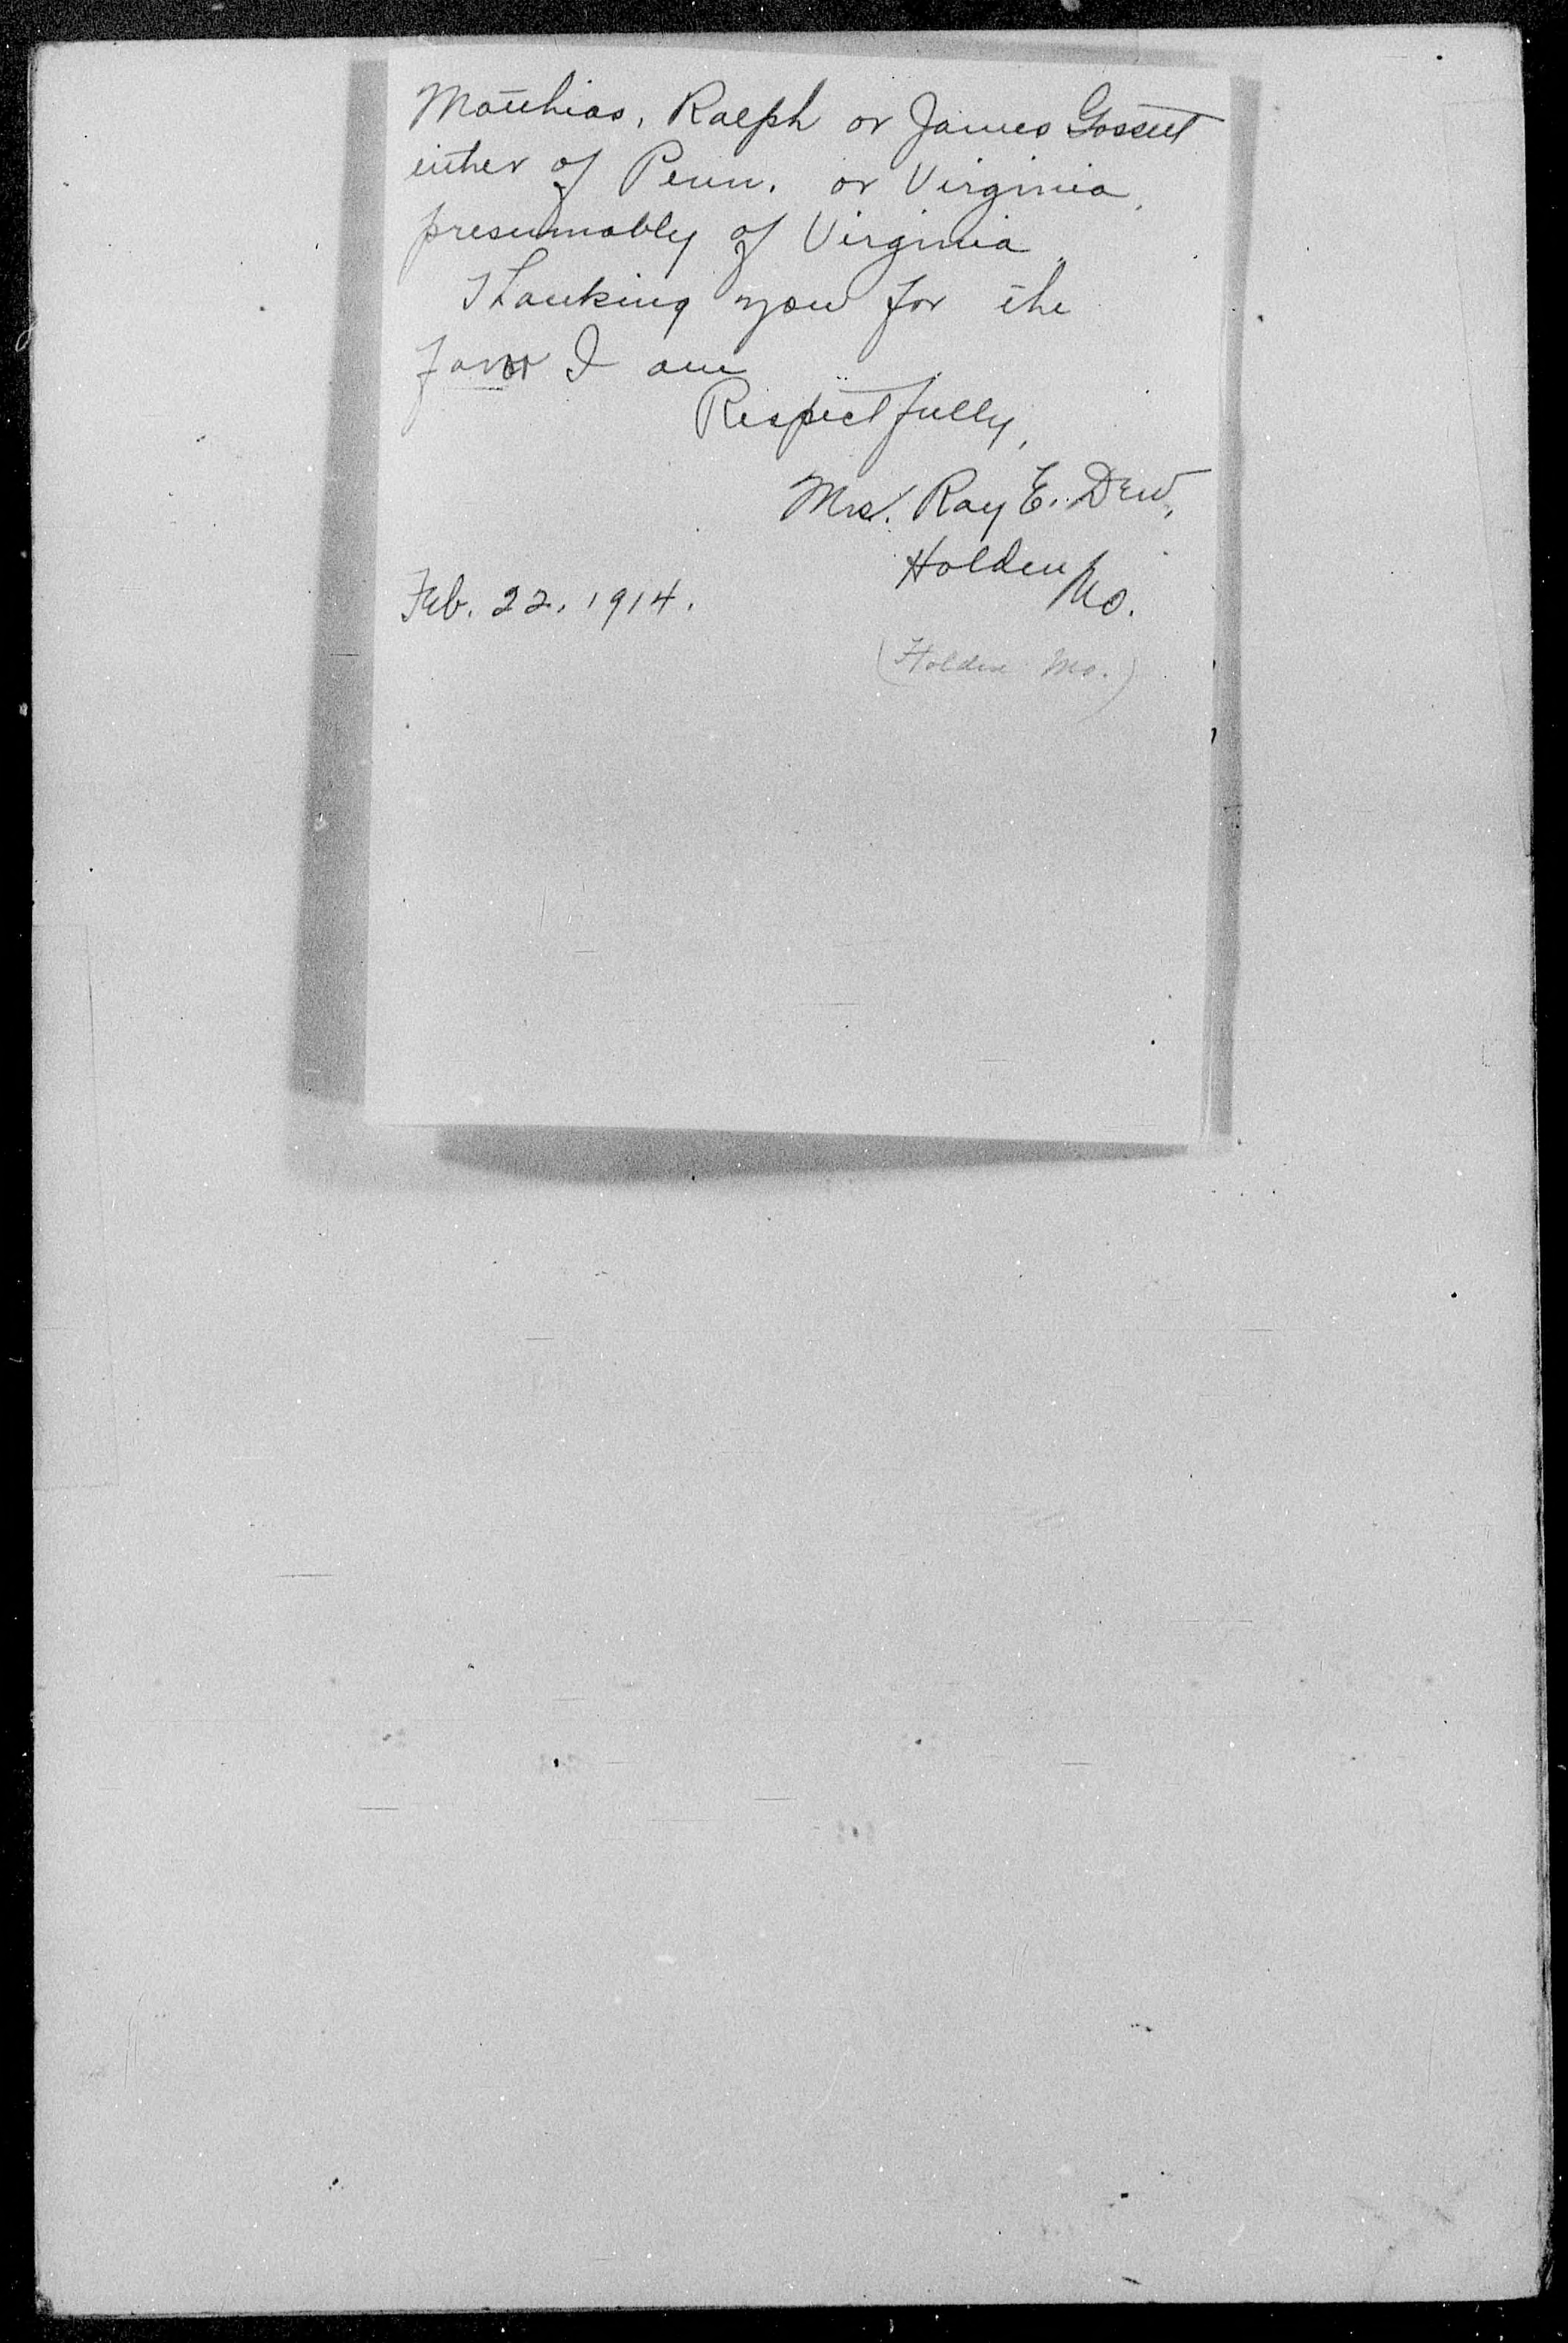[continued from previous]
Matthias, Ralph or James Gosset either of Penn. or Virginia. presumably of Virginia.
Thanking you for the favor I am
Respectfully,
Mrs. Ray E. Dew
Holden Mo.
Feb. 22, 1914

(Holden Mo.)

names: Ray E Dew, Matthias Gosseet, James Gosseet, Ralph Gosseet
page: 13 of 21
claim: survivor's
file: S. 42,750, John Gosset, Va.